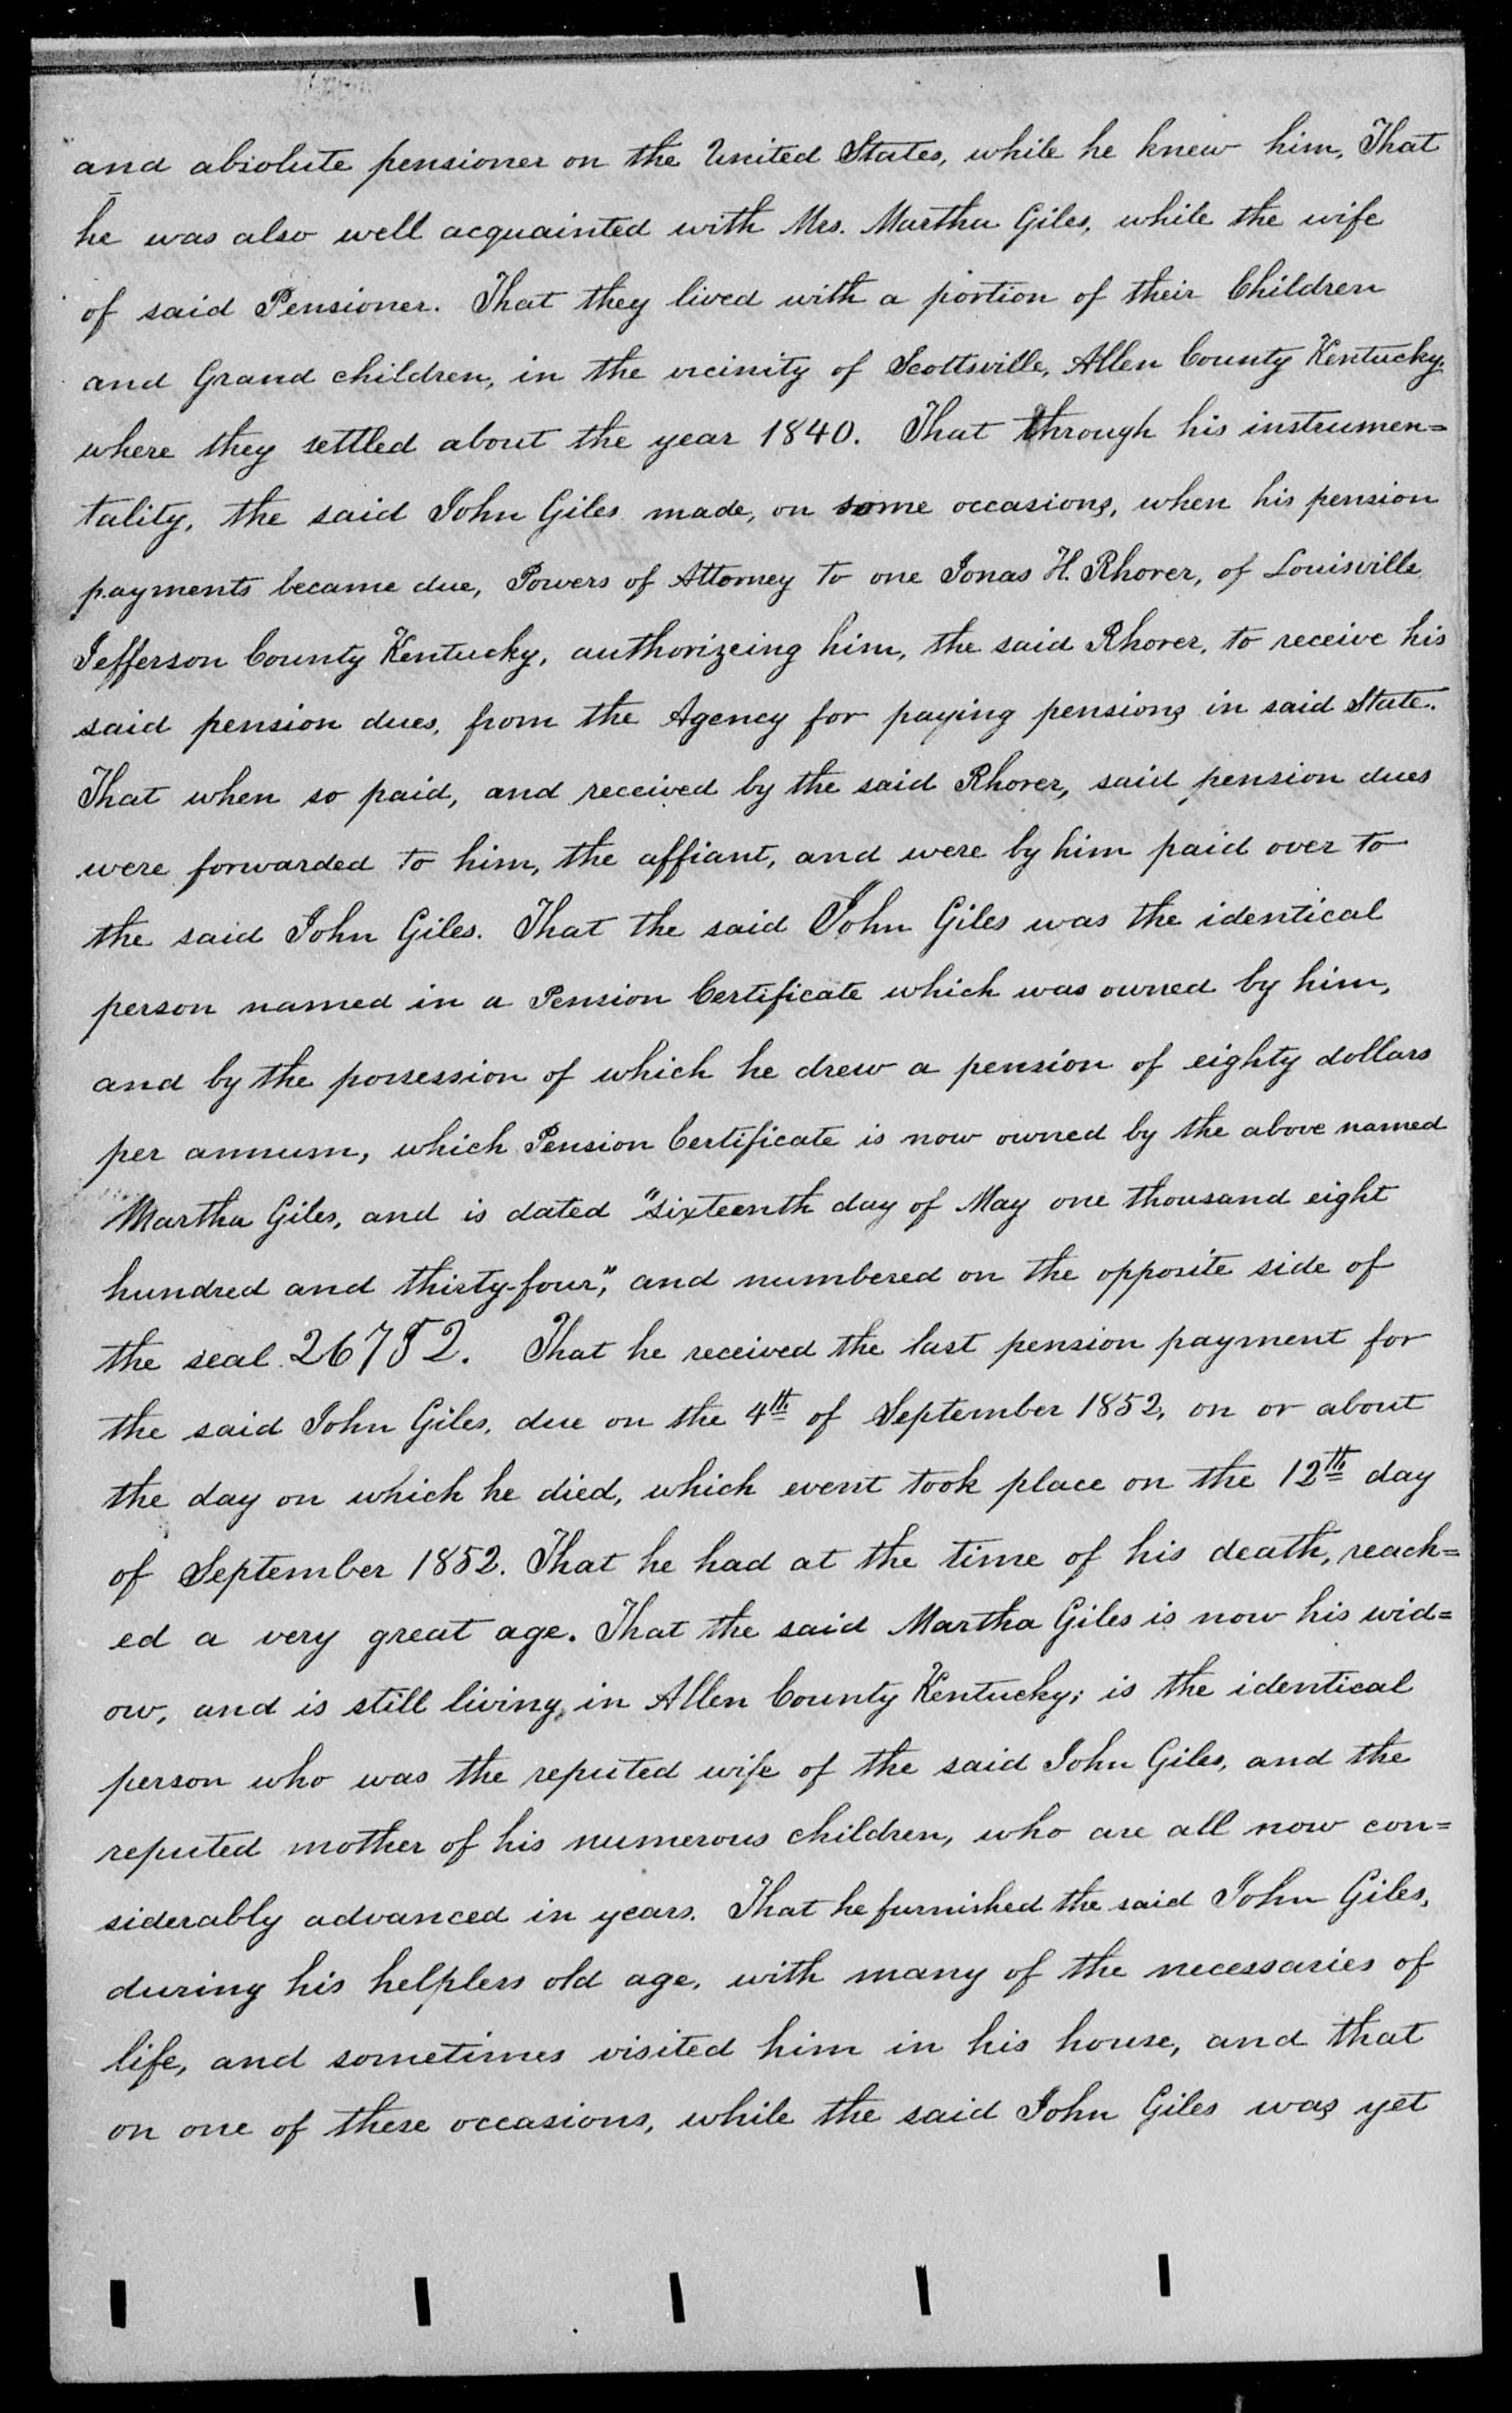and absolute pensioner on the United Stats, while he knew him, that he was also well acquainted with Mrs. Martha Giles, which the wife of said Pensioner. That they lived with a portion of this children and Grand children, in the vicinity of Scottsville, Allen County Kentucky where they settled about the year 1840. That through his instrumentality, the said John Giles made on some occasions, where his pension payments became due, Powers of Attorney to one Jonas H. Rhores, of Louisville Jefferson County  Kentucky, authorizing him, the said Rhoer, to receive his said pension dues, from the Agency for paying pensions in said State. That when so paid, and received by the said Rhorer, said pension dues we forwarded to him, the affiant, and were by him paid over to the said John Giles. That the said John Giles was the identical person named in a Pension Certificate which was owned by him, and by the possession of which he drew a pension of eighty dollars per annum, which Pension Certificate is now owned by the above named Martha Giles, and is dated "sixteenth day of May one thousand eight hundred and thirty-four," and numbered on the opposite side of the seal 26752. That he received the last pension payment for the said John Giles due on the 4th of September 1852, on or about the day on which h did, which went took place on the 12th day of September 1852. That he had at the time of his death, reached a very great age. That the said Martha Giles is now his widow, and is still living, in Allen County Kentucky, is the identical person who was the reputed wife of the said John Gils, and the reputed mother of his numerous children, who are all now considerably advanced in years. That he furnished the said John Giles, during his helpless old age, with many of the necessaries of life, and sometimes visited him in his house, and that on one of these occasions, while the said John Giles was yet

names: Jonas H Rhorer, John Giles, John Giles, John Giles, Rhorer, John Giles, Martha Giles, Rhorer, John Giles, Martha Giles, John Giles, John Giles, Martha Giles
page: 29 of 82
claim: widow's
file: W. 7,522, John Giles, N.C.